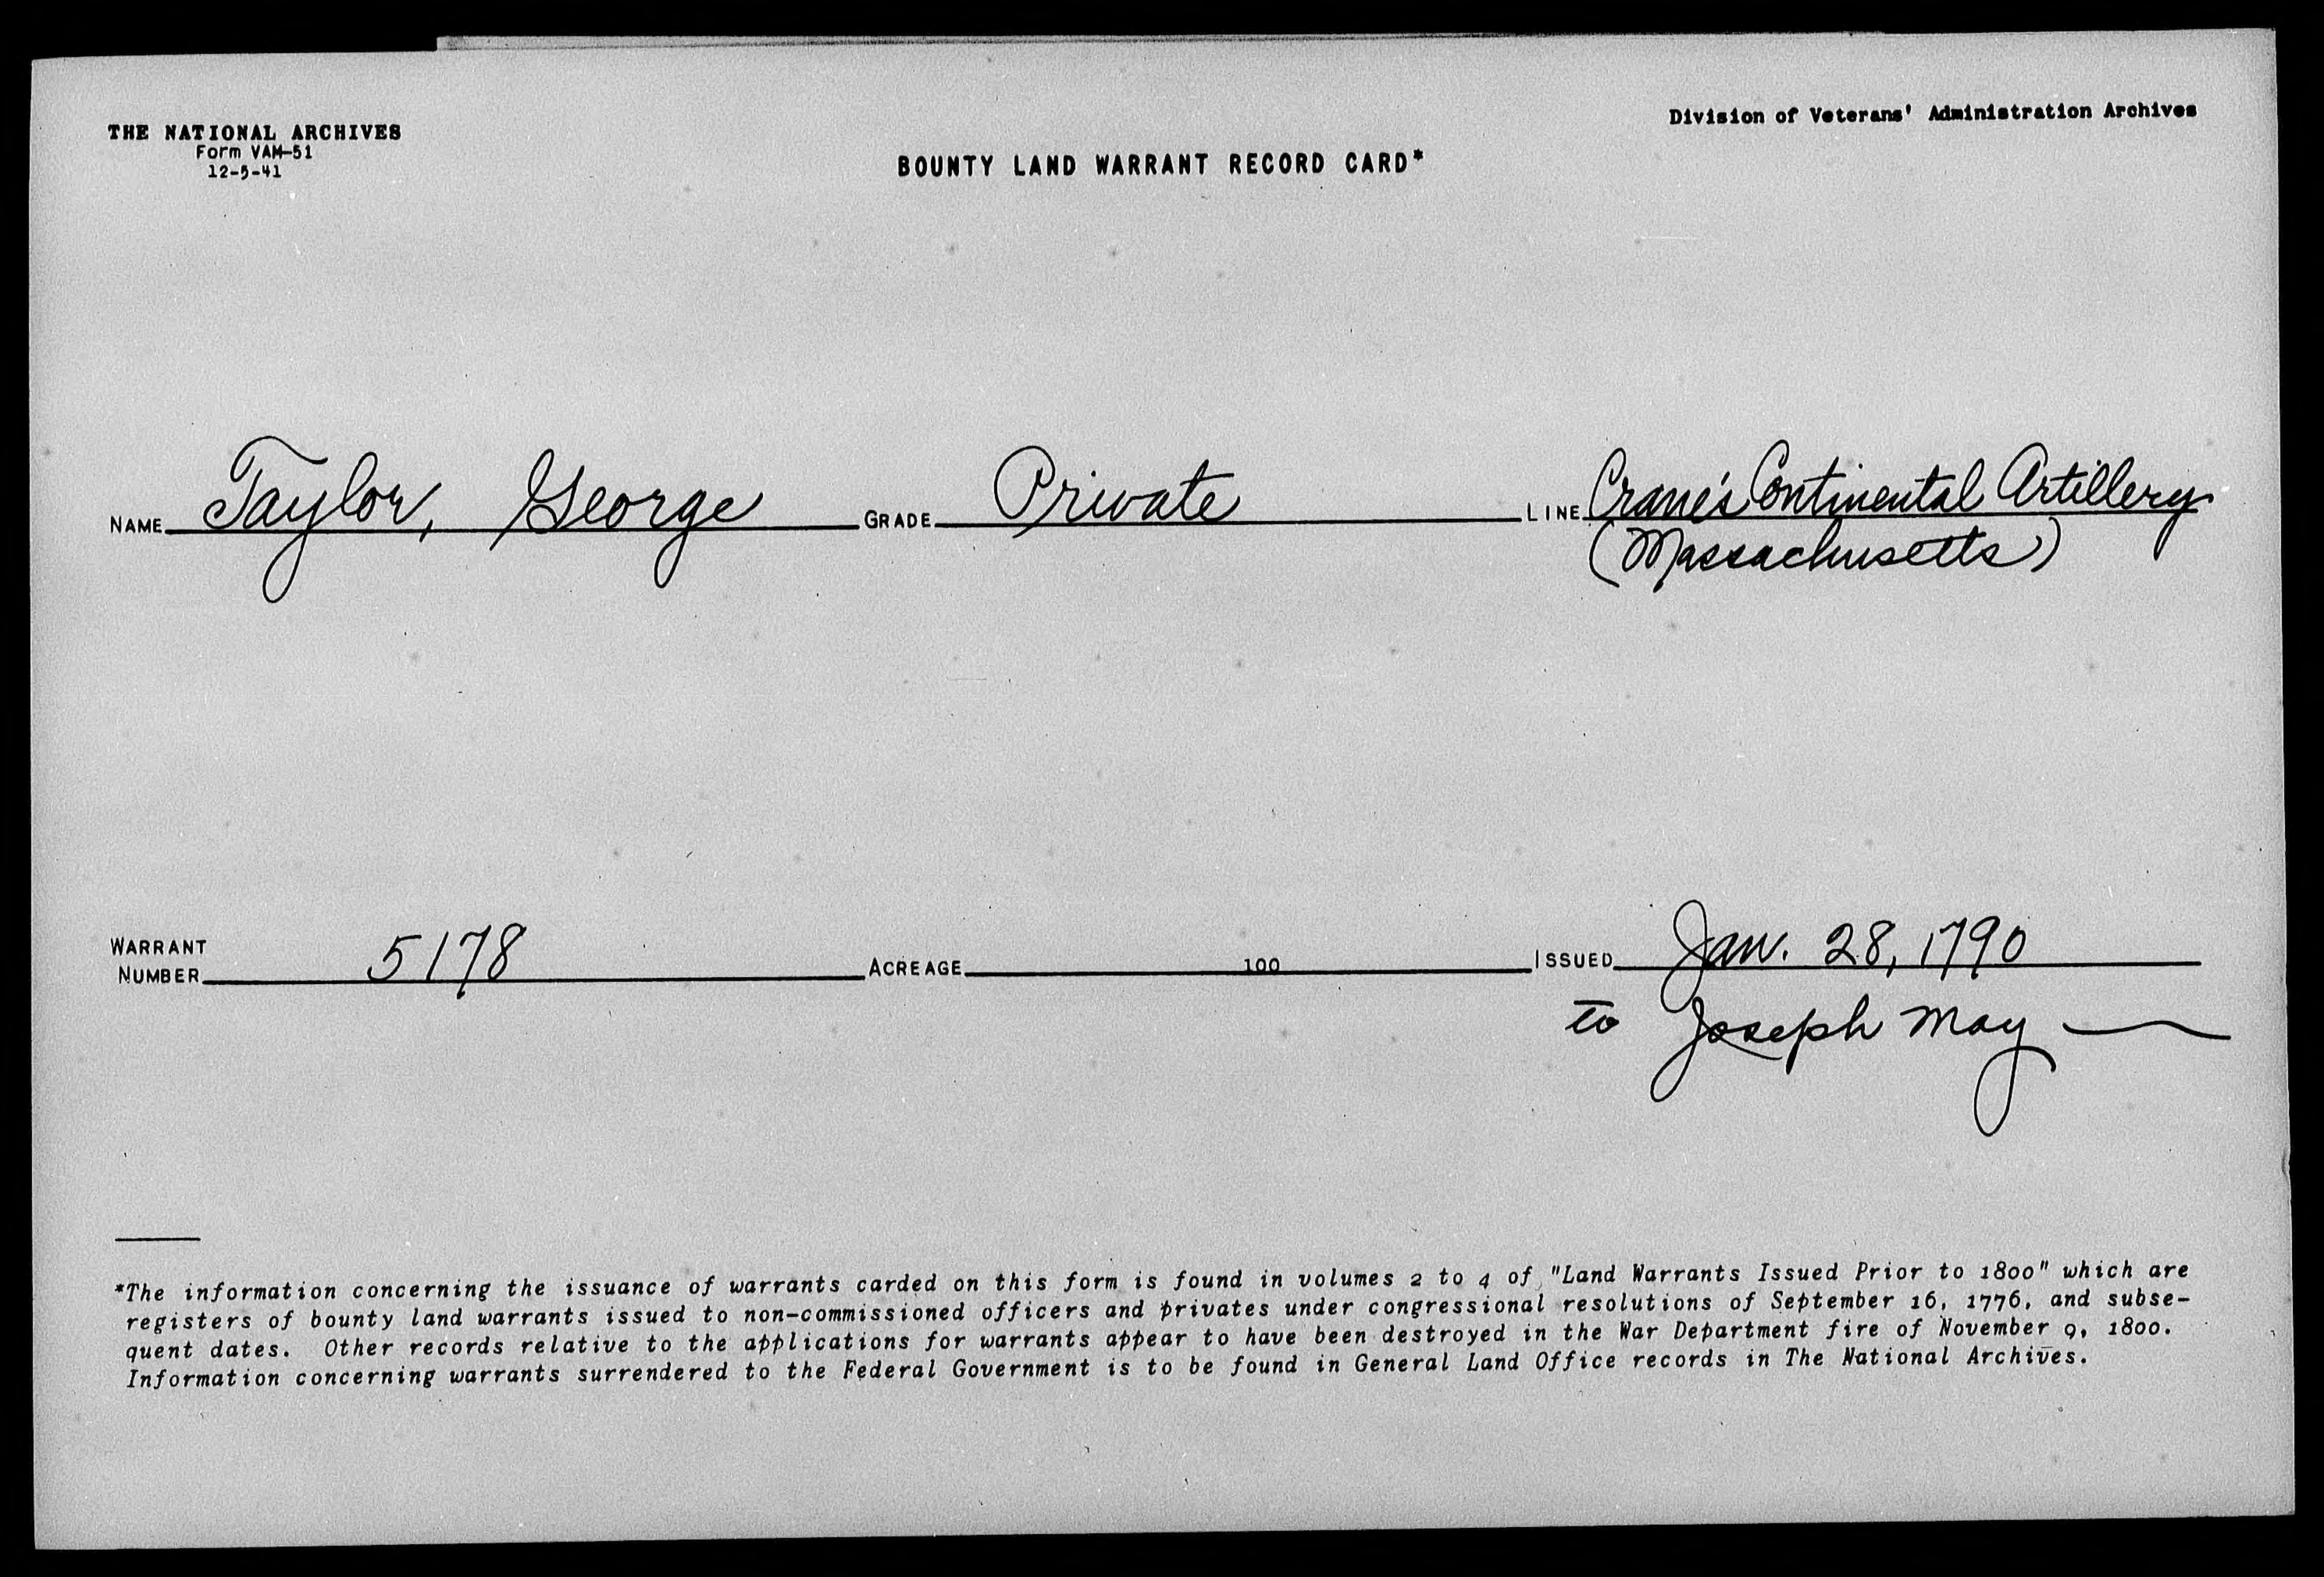THE NATIONAL ARCHIVES
Form VAM-51-
12-5-41
Division of Veterans' Administration Archives
BOUNTY LAND WARRANT RECORD CARD*
Name Taylor, George
Grade Private
Line Crane' Continental Artillery (Massachusetts)
WARRANT NUMBER 5178
ISSUED Jan 28, 1790
to Joseph May-
The information concerning the issuance of warrants carded on this form is found in volumes 2 to 4 of ""Land Warrants Issued Prior to 1800" which are registers of bounty land warrants issued to non-commissioned officers and privates under congressional resolutions of September 16, 1776, and subsequent
dates. Other records relative to the applications for warrants appear to have been destroyed in the War Department fire of November 9, 1800.
Information concerning warrants surrendered to the Federal Government is to be found in General Land Office records in The National Archives.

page: 33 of 33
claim: survivor's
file: S. 925, for George Taylor, New Jersey